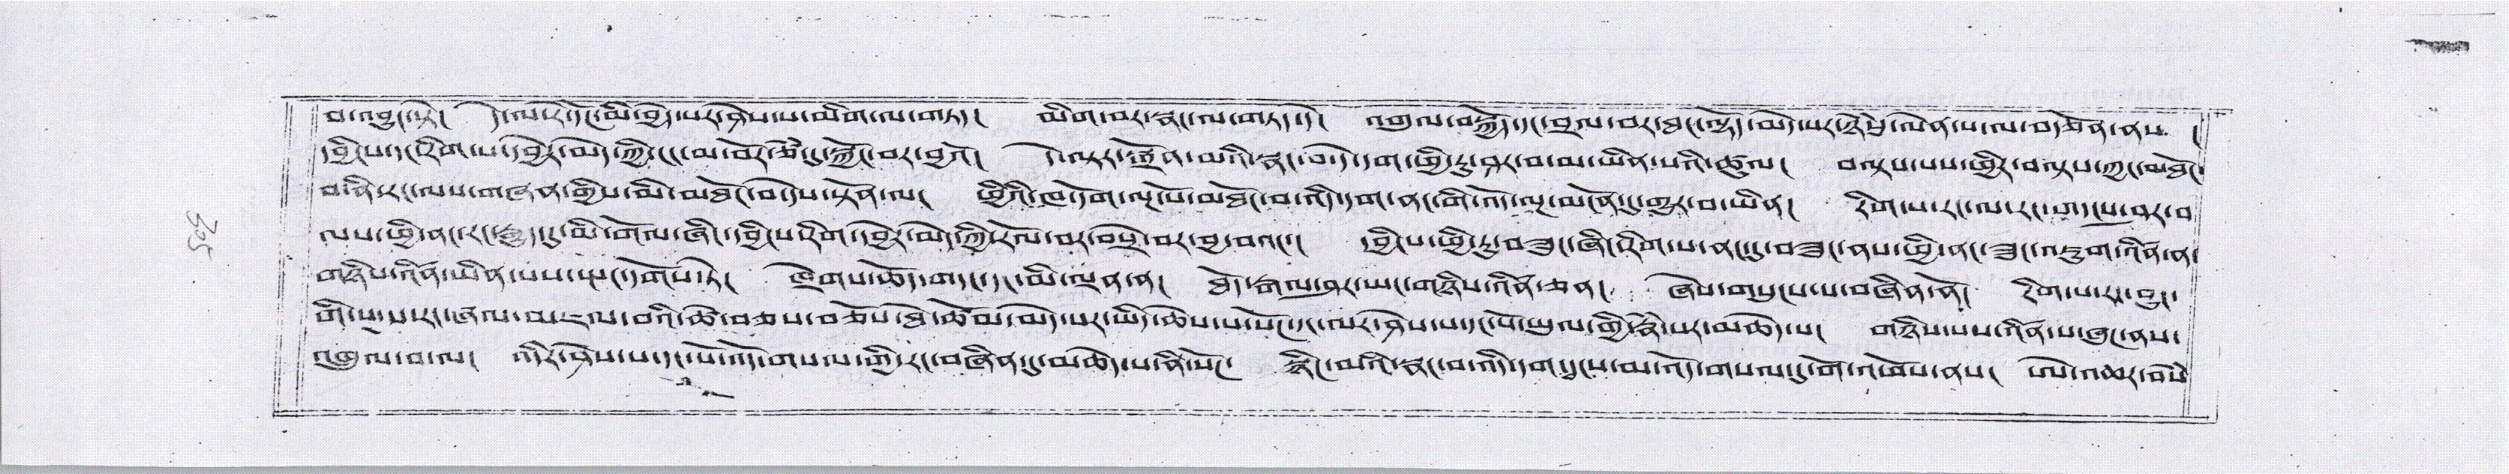བ་འབྱུང་སྟེ། དེ་ལ་རེ་དོགས་མི་བྱེད་པར་ཤེས་པ་མིག་ལ་གཏད། མིག་བར་སྣང་ལ་གཏད་དེ། འགུལ་བསྐྱོད་དང་བྲལ་བར་ཐང་ལྷོད་མེད་པར་ཉམས་སུ་ལེན་པ་ལ་བརྩོན་ནས། 
དབྱིངས་དང་རིག་པ་དབྱེར་མེད་ཀྱི་ངང་མ་བོར་ཙམ་དུ་སྐྱོང་བར་བྱའོ། དེ་ལྟར་སྒྲོན་མའི་སྣང་བ་དེ་དག་ཕྱི་རུ་ཤར་བ་མ་ཡིན་པའི་ཚུལ། བལྟས་པས་ཕྱིར་བལྟས་ཀྱང་མཐོང་
བ་ནི་རང་ལས་གཞན་གྱིས་མི་མཐོང་བ་དེས་སྟོན་ལ། ཕྱིའི་ཁ་དོག་ལྔ་པོ་མཐོང་བ་འདི་དག་ནང་གི་འོད་ལྔ་མངོན་དུ་གྱུར་བ་ཡིན། རིག་པ་རང་ལ་རང་གདངས་ཤར་བ་
ལས་ཕྱི་ནང་རང་རྒྱུད་དུ་མི་གོལ་ཞིང་དབྱིངས་རིག་དབྱེར་མེད་ཀྱི་རོལ་བར་བསྲེ་བར་བྱ་བའང། དབྱིངས་ཀྱི་རུ་བཟུང་ཞིང་རིག་པ་ནང་དུ་བཟུང་ནས་ཕྱི་ནང་ཟུག་འཇུག་འཛིན་ན་
གཉིས་འཛིན་ཡིན་པས་སྤང་དགོས་ཏེ། ཁྲེགས་ཆོད་གདང་དང་མི་ལྡན་ན། ཐོད་རྒལ་ཤར་ཡང་གཉིས་འཛིན་ཅན། ཞེས་གསུངས་པ་བཞིན་ནོ། རིག་པ་རང་འབྱུང་
གི་སངས་རྒྱས་རང་ཞལ་མཇལ་བའི་ཚེ་བཅས་བཅོས་ཐེ་ཚོམ་མེད་པར་ཡིད་ཆེས་པ་སོགས་དང་ལར་ཤེས་པ་དང་པོ་ཡུལ་གྱི་རྣམ་པར་མཆེད་པ། གཉིས་པས་འཛིན་པ་ཞུགས་ནས་
འཁྲུལ་བ་ལ། འདིར་ཤེས་པ་དང་པོ་འོད་གསལ་གྱི་རང་བཞིན་དུ་མཆེད་པ་ནི་སོགས། སྙིགས་མའི་སྣང་བ་འདི་དག་དྭངས་མ་འོད་གསལ་དུ་གོ་འཕོས་ནས། ཨེ་འཆར་བསམ་